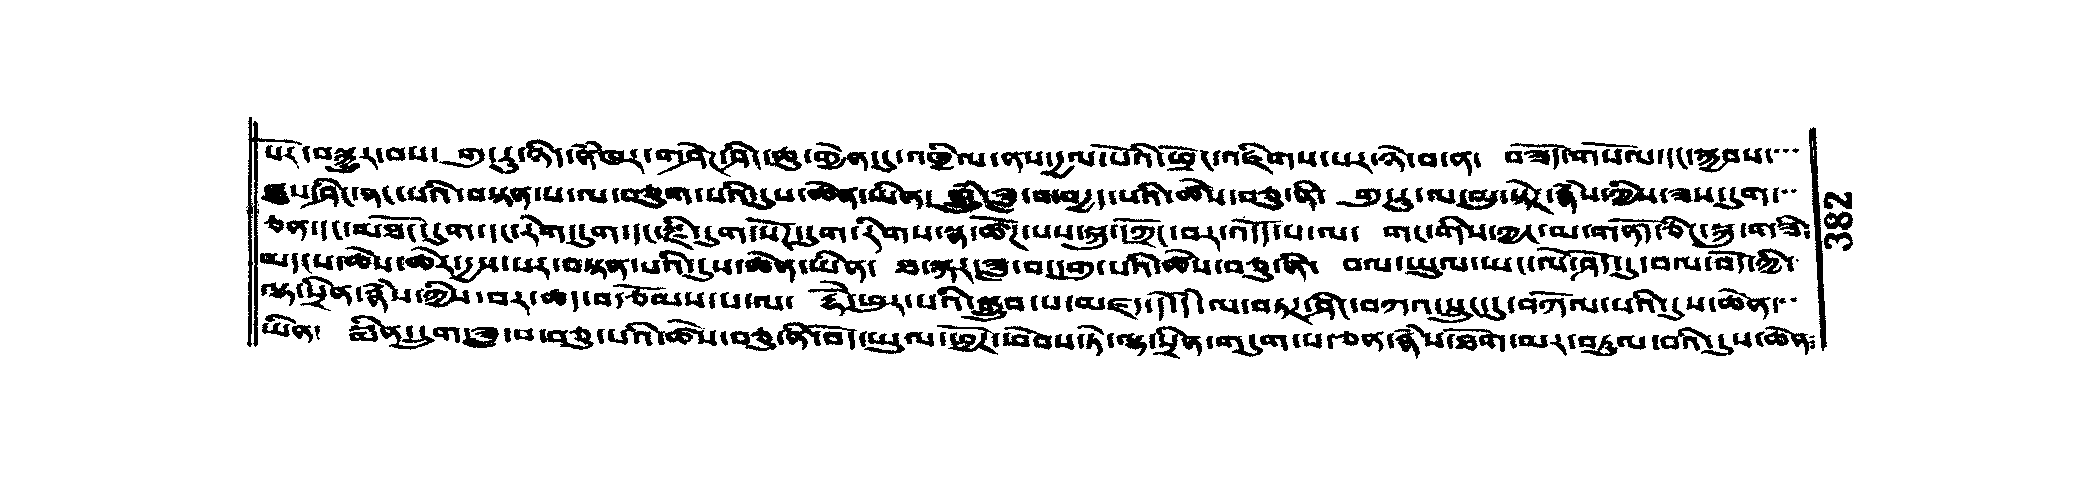པོར་བསྐྱུར་བས། གུ་རུ་ཉིད་ནམ་མཁར་གཤེགས་ཤིང་ཆུ་གྱེན་དུ་འཁྱིལ་ནས་རྒྱལ་པོའི་ཕོ་བྲང་འཇིག་པར་ཉེ་བ་ན། བཟོད་གསོལ་དང་སྐྱབས་
ཞུས་ཤིང་ནང་པའི་བསྟན་པ་ལ་བཅུག་པའི་དུས་ཆེན་ཡིན། ཕྲུམ་ཟླ་བ་བརྒྱད་པའི་ཚེས་བཅུ་ནི། གུ་རུ་ལ་མུ་སྟེགས་རྣམས་ཀྱིས་ཟས་དུག་
ཅན་དང་མཐོང་དུག་དང་རེག་དུག་དང་རྫི་དུག་སོགས་དུག་རིགས་སྣ་ཚོགས་པས་སྐུ་དཀྲོངས་བར་འདོད་པ་ལ། གང་གིས་ཀྱང་མ་གནོད་ཅིང་སྐུ་གཟི་
མདངས་ཆེས་ཆེར་རྒྱས་པར་བསྟན་པའི་དུས་ཆེན་ཡིན། ཐ་སྐར་ཟླ་བ་དགུ་པའི་ཚེས་བཅུ་ནི། བལ་ཡུལ་ཡང་ལེ་ཤོད་དུ་བལ་བོད་ཀྱི་
ལྷ་སྲིན་རྣམས་ཀྱིས་བར་ཆད་བརྩོམས་པ་ལ། རྡོ་རྗེ་ཕུར་པའི་སྒྲུབ་པ་མཛད་དེ་དམ་ལ་བཏགས་ཤིང་བཀའ་སྲུང་དུ་བསྐོལ་པའི་དུས་ཆེན་
ཡིན། སྨིན་དྲུག་ཟླ་བ་བཅུ་པའི་ཚེས་བཅུ་ནི་བོད་ཡུལ་ཕྱོགས་ཕེབས་ཏེ་ལྷ་སྲིན་གདུག་པ་ཅན་རྣམས་ཐོག་མར་བཏུལ་བའི་དུས་ཆེན་